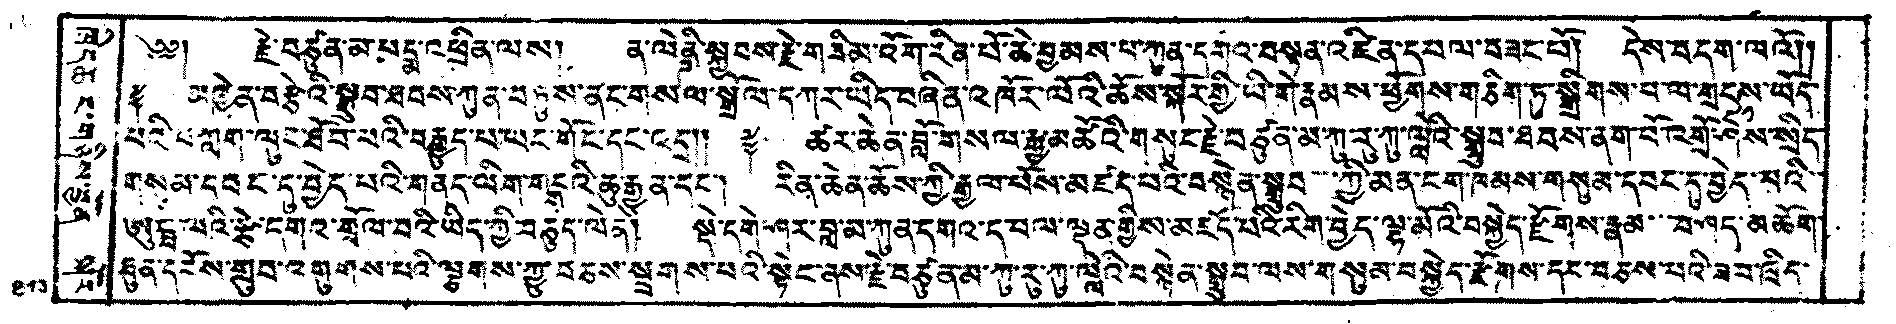༄༅། །རྗེ་བཙུན་མ་པདམ་འཕྲིན་ལས། ན་ལེནྜི་སྐྱབས་རྗེ་གཟིམ་འོག་རིན་པོ་ཆེ་བྱམས་པ་ཀུན་དགའ་བསྟན་འཛིན་དཔལ་བཟང་པོ། དེས་བདག་ལའོ། །
༈ མཁྱེན་བརྩེའི་སྒྲུབ་ཐབས་ཀུན་བཏུས་ནང་གསལ་སྒྲོལ་དཀར་ཡིད་བཞིན་འཁོར་ལོའི་ཆོས་སྐོར་གྱི་ཡི་གེ་རྣམས་ཕྱོགས་གཅིག་ཏུ་སྒྲིགས་པ་ལ་གྲངས ༧༡་ཡོད་
པའི་བཀླག་ལུང་ཐོབ་པའི་བརྒྱུད་པ་ཡང་གོང་དང་འདྲ།། ༈ ཚར་ཆེན་བློ་གསལ་རྒྱ་མཚོའི་གསུང་རྗེ་བཙུན་མ་ཀུ་རུ་ཀུ་ལླེའི་སྒྲུབ་ཐབས་ནག་པོ་འགྲོ་ཤེས་སྲིད་
གསུམ་དབང་དུ་བྱེད་པའི་གནད་ཡིག་གངྒའི་ཆུ་རྒྱུན་དང་། རིན་ཆེན་ཆོས་ཀྱི་རྒྱལ་པོས་མཛད་པའི་བསྙེན་སྒྲུབ་ཀྱི་མན་ངག་ཁམས་གསུམ་དབང་དུ་བྱེད་པའི་
ཨུདཔ་ལའི་རྩེ་དགའ་གྲོལ་བའི་ཡིད་ཀྱི་བཅུད་ལེན། སྡེ་དགེ་ཤར་བླ་མ་ཀུན་དགའ་དཔལ་ལྡན་གྱིས་མཛད་པའི་རིག་བྱེད་ལྷ་མོའི་བསྐྱེད་རྫོགས་རྣམ་བཤད་མཆོག་
ཐུན་དངོས་གྲུབ་འགུགས་པའི་ལྕགས་ཀྱུ་བཅས་སྦྲགས་པའི་སྟེང་ནས་རྗེ་བཙུན་མ་ཀུ་རུ་ཀུ་ལླེའི་བསྙེན་སྒྲུབ་ལས་གསུམ་བསྐྱེད་རྫོགས་དང་བཅས་པའི་ཟབ་ཁྲིད་